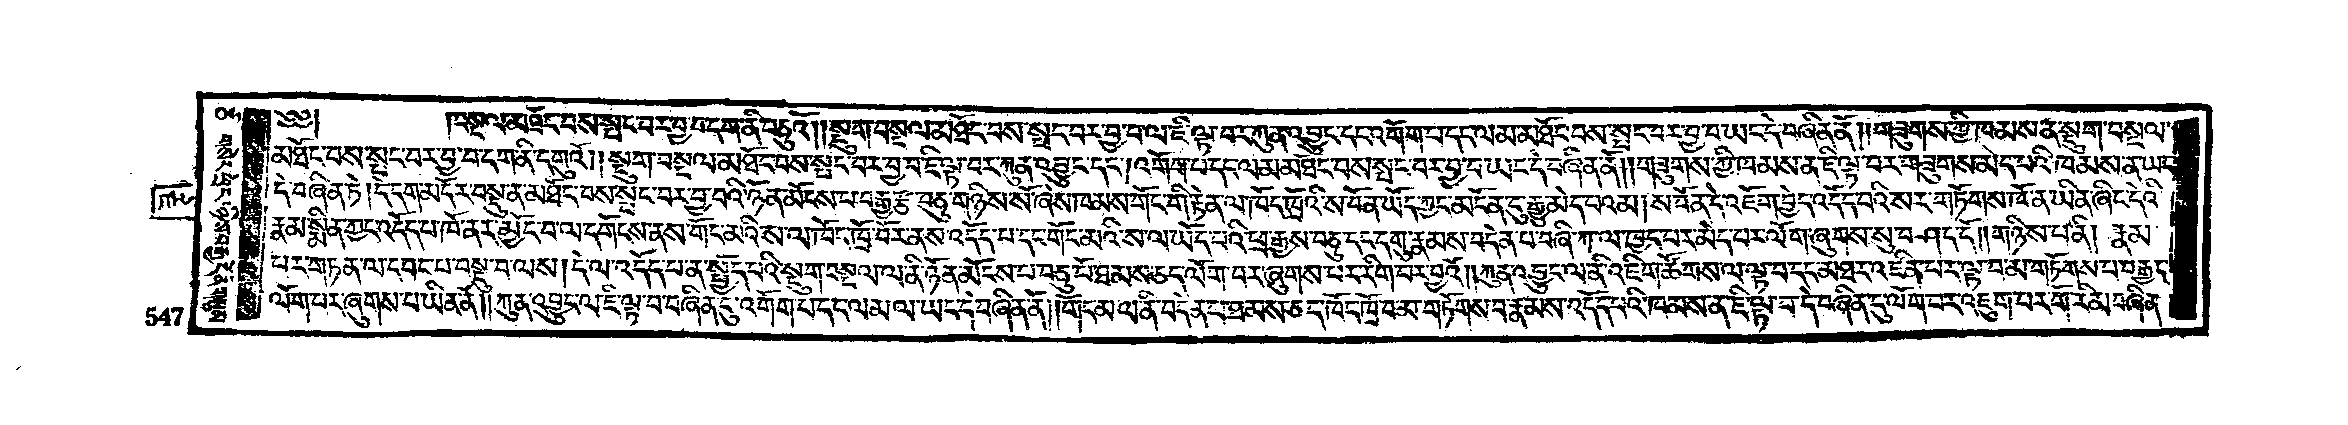༄༅། །བསྔལ་མཐོང་བས་སྤང་བར་བྱ་བ་དག་ནི་བཅུའོ། །སྡུག་བསྔལ་མཐོང་བས་སྤང་བར་བྱ་བ་ལ་ཇི་ལྟ་བར་ཀུན་འབྱུང་དང་འཇོག་པ་དང་ལམ་མཐོང་བས་སྤང་བར་བྱ་བ་ཡང་དེ་བཞིན་ནོ། །གཟུགས་ཀྱི་ཁམས་ན་སྡུག་བསྔལ་
མཐོང་བས་སྤང་བར་བྱ་བ་དག་གི་དགུའ། །སྡུག་བསྔལ་མཐོང་བས་སྤང་བར་བྱ་བ་ཇི་ལྟ་བར་ཀུན་འབྱུང་དང་། འགོག་པ་དང་ལམ་མཐོང་བས་སྤང་པར་བྱ་བ་ཡང་དེ་བཞིན་ནོ། །གཟུགས་ཀྱི་ཁམས་ན་ཇི་ལྟ་བར་གཟུགས་མེད་པའི་ཁམས་ན་ཡང་
དེ་བཞིན་ཏེ། དེ་དག་མདོར་བསྡུ་ན་མཐོང་བས་སྤང་བར་བྱ་བའི་ཉོན་མོངས་པ་བརྒྱ་རྩ་བཅུ་བཅུ་གཉིས་སོ་ཞེས་ཁམས་གོང་གི་རྟེན་ལ་ཁོང་ཁྲོའི་ས་བོན་ཡོད་ཀྱང་མངོན་དུ་རྒྱུ་མེད་པའམ། ས་བོན་དེ་འཇོག་བྱེད་འདོད་པའི་སར་གཏོགས་ཁོ་ན་ཡིན་ཞིང་དེའི་
རྣམ་སྤྲིན་?་ཀྱང་འདོད་པ་ཁོ་ནར་མྱོང་བ་ལ་དགོངས་ནས་གོང་མའི་ས་ལ་ཁོང་ཁྲོ་བོར་ནས་འདོད་པ་དང་གོང་མའི་ས་ལ་ཡོད་པའི་ཕྲ་རྒྱས་བཅུ་དང་དགུ་རྣམས་བདེན་པ་བཞི་ཀ་ལ་ཁྱད་པར་མེད་པར་ལོག་ཞུགས་སུ་བཤད་དོ། །གཉིས་པ་ནི། རྣམ་
པར་གཏན་ལ་དབབ་པ་བསྡུ་བ་ལས། དེ་ལ་འདོད་པ་ན་སྤྱོད་པའི་སྡུག་བསྔལ་ལ་ནི་ཉོན་མོངས་པ་བཅུ་པོ་ཐམས་ཅད་ལོག་བར་ཞུགས་པར་རིག་པར་བྱའོ། །ཀུན་འབྱུང་ལ་ནི་འཇིག་ཚོགས་ལ་ལྟ་བ་དང་མཐར་འཛིན་པར་ལྟ་བ་མ་གཏོགས་པ་བརྒྱད་
ལོག་པར་ཞུགས་པ་ཡིན་ནོ། །ཀུན་འབྱུང་ལ་ཇི་ལྟ་བ་བཞིན་དུ་འགོག་པ་དང་ལམ་ལ་ཡང་དེ་བཞིན་ནོ། །གོང་མ་ལ་ནི་བདེན་པ་ཐམས་ཅད་ཁོང་ཁྲོ་བ་མ་གཏོགས་པ་རྣམས་འདོད་པའི་ཁམས་ན་ཇི་ལྟ་བ་དེ་བཞིན་དུ་ལོག་པར་འཇུག་པར་གོ་རིམ་བཞིན་